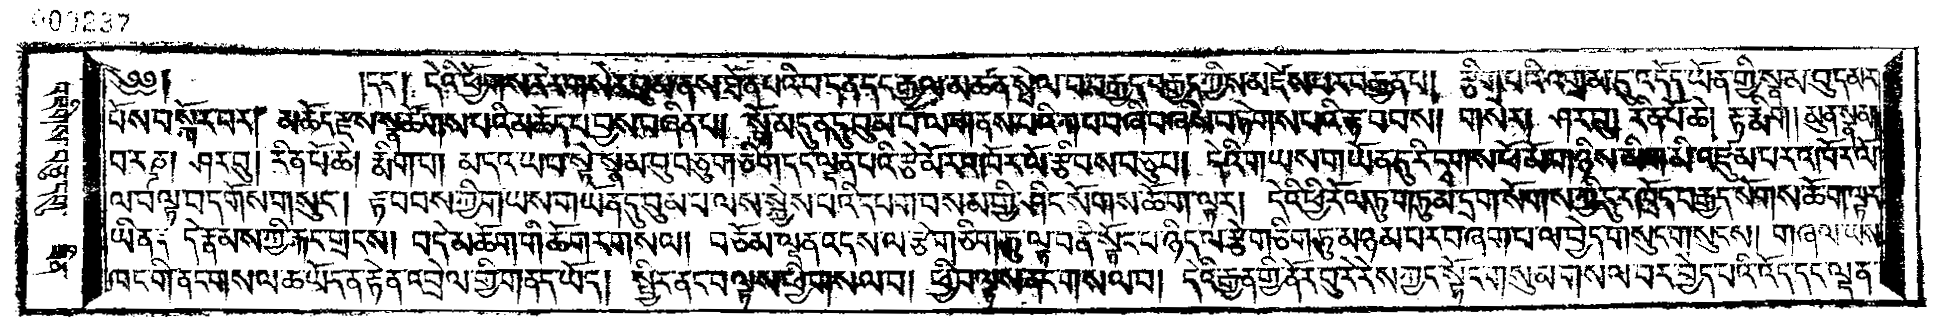༄༅། །དང༑ དེའི་ཕྱོགས་རེར་གསེར་བུམ་ནས་ཐོན་པའི་བདན་དང་རྒྱལ་མཚན་སྤེལ་བ་བརྒྱད་བརྒྱད་ཀྱིས་མཛེས་པར་བརྒྱན་པ། རྩིག་པའི་འགྲམ་དུ་འདོད་ཡོན་གྱི་སྣམ་བུ་དམར་
པོས་བསྐོར་བར། མཆོད་རྫས་སྣ་ཚོགས་པའི་མཆོད་པ་བྱས་བཞིན་པ། སྒོ་མདུན་དུ་བུམ་པ་ལ་གནས་པའི་ཀ་པ་བཞི་བཞིས་བཏེགས་པའི་རྟ་བབས། གསེར། ཤར་བུ། རིན་པོ་ཆེ། རྟ་རྨིག །མུན་སྣམ་
བ་རཎྜ། ཤར་བུ། རིན་པོ་ཆེ། རྨིག་པ། མདའ་ཡབ་སྟེ་སྣམ་བུ་བཅུ་གཅིག་དང་ལྡན་པའི་རྩེ་མོར་འཁོར་ལོ་རྩིབས་བཅུ་པ། དེའི་གཡས་གཡོན་དུ་རི་དྭགས་ཕོ་མོ་གཉིས་མིག་མི་འཛུམ་པར་འཁོར་ལོ་
ལ་བལྟ་བ་དགོས་གསུང་། རྟ་བབས་ཀྱི་གཡས་གཡོན་དུ་བུམ་པ་ལས་སྐྱེས་པའི་དཔག་བསམ་གྱི་ཤིང་སོགས་ཆོ་ག་ལྟར། དེའི་ཕྱི་རོལ་ཏུ་གཏུམ་དྲག་སོགས་ཀྱི་དུར་ཁྲོད་བརྒྱད་སོགས་ཆོ་ག་ལྟར་
ཡིན༑ དེ་རྣམས་ཀྱི་རྐང་གྲངས། བདེ་མཆོག་གི་ཆོ་གར་གསལ། བཅོམ་ལྡན་འདས་ལ་རྩེ་གཅིག་ཏུ་ལྟ་བ་ནི་སྟོང་པ་ཉིད་ལ་རྩེ་གཅིག་ཏུ་མཉམ་པར་བཞག་པ་ལ་བྱེད་གསུང་གསུངས། གཞལ་ཡས་
ཁང་གི་ནང་གསལ་ཆ་ཡོད་ན་རྟེན་འབྲེལ་གྱི་གནད་ཡོད། སྤྱིར་ནང་བལྟས་ཕྱི་གསལ་བ། ཕྱི་བལྟས་ནང་གསལ་བ། དེའི་རྒྱན་གྱི་ནོར་བུ་རེ་རེས་ཀྱང་སྟོང་གསུམ་གསལ་བར་བྱེད་པའི་འོད་དང་ལྡན་